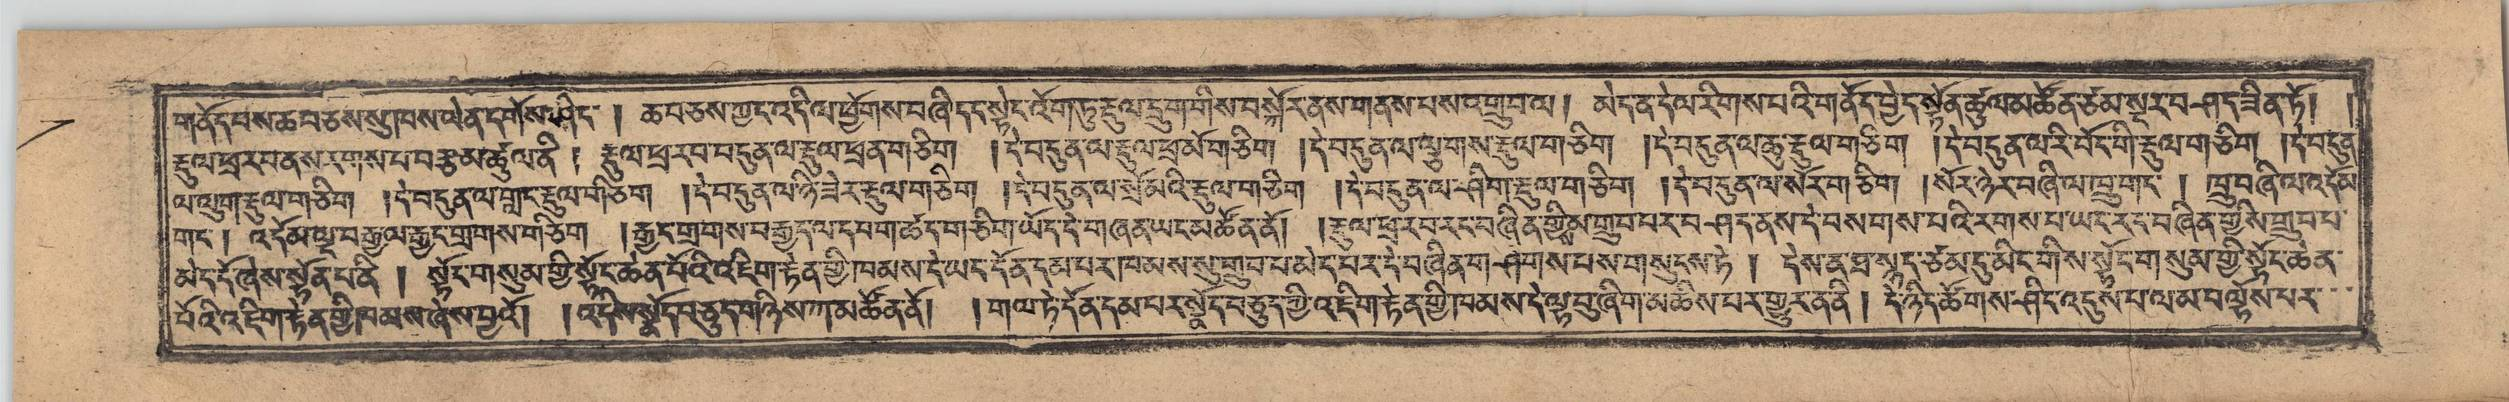གནོད་པས་ཆ་བཅས་སུ་ཁས་ལེན་དགོས་ཤིང་། ཆ་བཅས་ཀྱང་འདི་ལ་ཕྱོགས་བཞི་དང་སྟེང་འོག་ཏུ་རྡུལ་དྲུག་གིས་བསྐོར་ནས་གནས་པས་འགྲུབ་ལ། མེད་ན་དེ་ལ་རིགས་པའི་གནོད་བྱེད་སྟོན་ཚུལ་མཚོན་ཙམ་སྔར་བཤད་ཟིན་ཏོ། །
རྡུལ་ཕྲ་རབ་ནས་རགས་པ་བརྩམ་ཚུལ་ནི། རྡུལ་ཕྲ་རབ་བདུན་ལ་རྡུལ་ཕྲན་གཅིག །དེ་བདུན་ལ་རྡུལ་ཕྲ་མོ་གཅིག །དེ་བདུན་ལ་ལྕགས་རྡུལ་གཅིག །དེ་བདུན་ལ་ཆུ་རྡུལ་གཅིག །དེ་བདུན་ལ་རི་བོང་གི་རྡུལ་གཅིག །དེ་བདུན་
ལ་ལུག་རྡུལ་གཅིག །དེ་བདུན་ལ་གླང་རྡུལ་གཅིག །དེ་བདུན་ལ་ཉི་ཟེར་རྡུལ་གཅིག །དེ་བདུན་ལ་སྲོ་མའི་རྡུལ་གཅིག །དེ་བདུན་ལ་ཤིག་རྡུལ་གཅིག །དེ་བདུན་ལ་སོར་གཅིག །སོར་ཉེར་བཞི་ལ་ཁྲུ་གང་། ཁྲུ་བཞི་ལ་འདོམ་
གང་། འདོམ་ལྔ་བརྒྱ་ལ་རྒྱང་གྲགས་གཅིག །རྒྱང་གྲགས་བརྒྱད་ལ་དཔག་ཚད་གཅིག་ཡོད་དེ་གཞན་ཡང་མཚོན་ནོ། །རྡུལ་ཕྲ་རབ་རང་བཞིན་གྱིས་མ་གྲུབ་པར་བཤད་ནས་དེ་བསགས་པའི་རགས་པ་ཡང་རང་བཞིན་གྱིས་གྲུབ་པ་
མེད་དོ་ཞེས་སྟོན་པ་ནི། སྟོང་གསུམ་གྱི་སྟོང་ཆེན་པོའི་འཇིག་རྟེན་གྱི་ཁམས་དེ་ཡང་དོན་དམ་པར་ཁམས་སུ་གྲུབ་པ་མེད་པར་དེ་བཞིན་གཤེགས་པས་གསུངས་ཏེ། དེས་ན་ཐ་སྙད་ཙམ་དུ་མིང་གིས་སྟོང་གསུམ་གྱི་སྟོང་ཆེན་
པོའི་འཇིག་རྟེན་གྱི་ཁམས་ཞེས་བྱའོ། །འདིས་སྣོད་བཅུད་གཉིས་ཀ་མཚོན་ནོ། །གལ་ཏེ་དོན་དམ་པར་སྣོད་བཅུད་ཀྱི་འཇིག་རྟེན་གྱི་ཁམས་དེ་ལྟ་བུ་ཞིག་མཆིས་པར་གྱུར་ན་ནི། དེ་ཉིད་ཚོགས་ཤིང་འདུས་པ་ལ་མ་བལྟོས་པར་